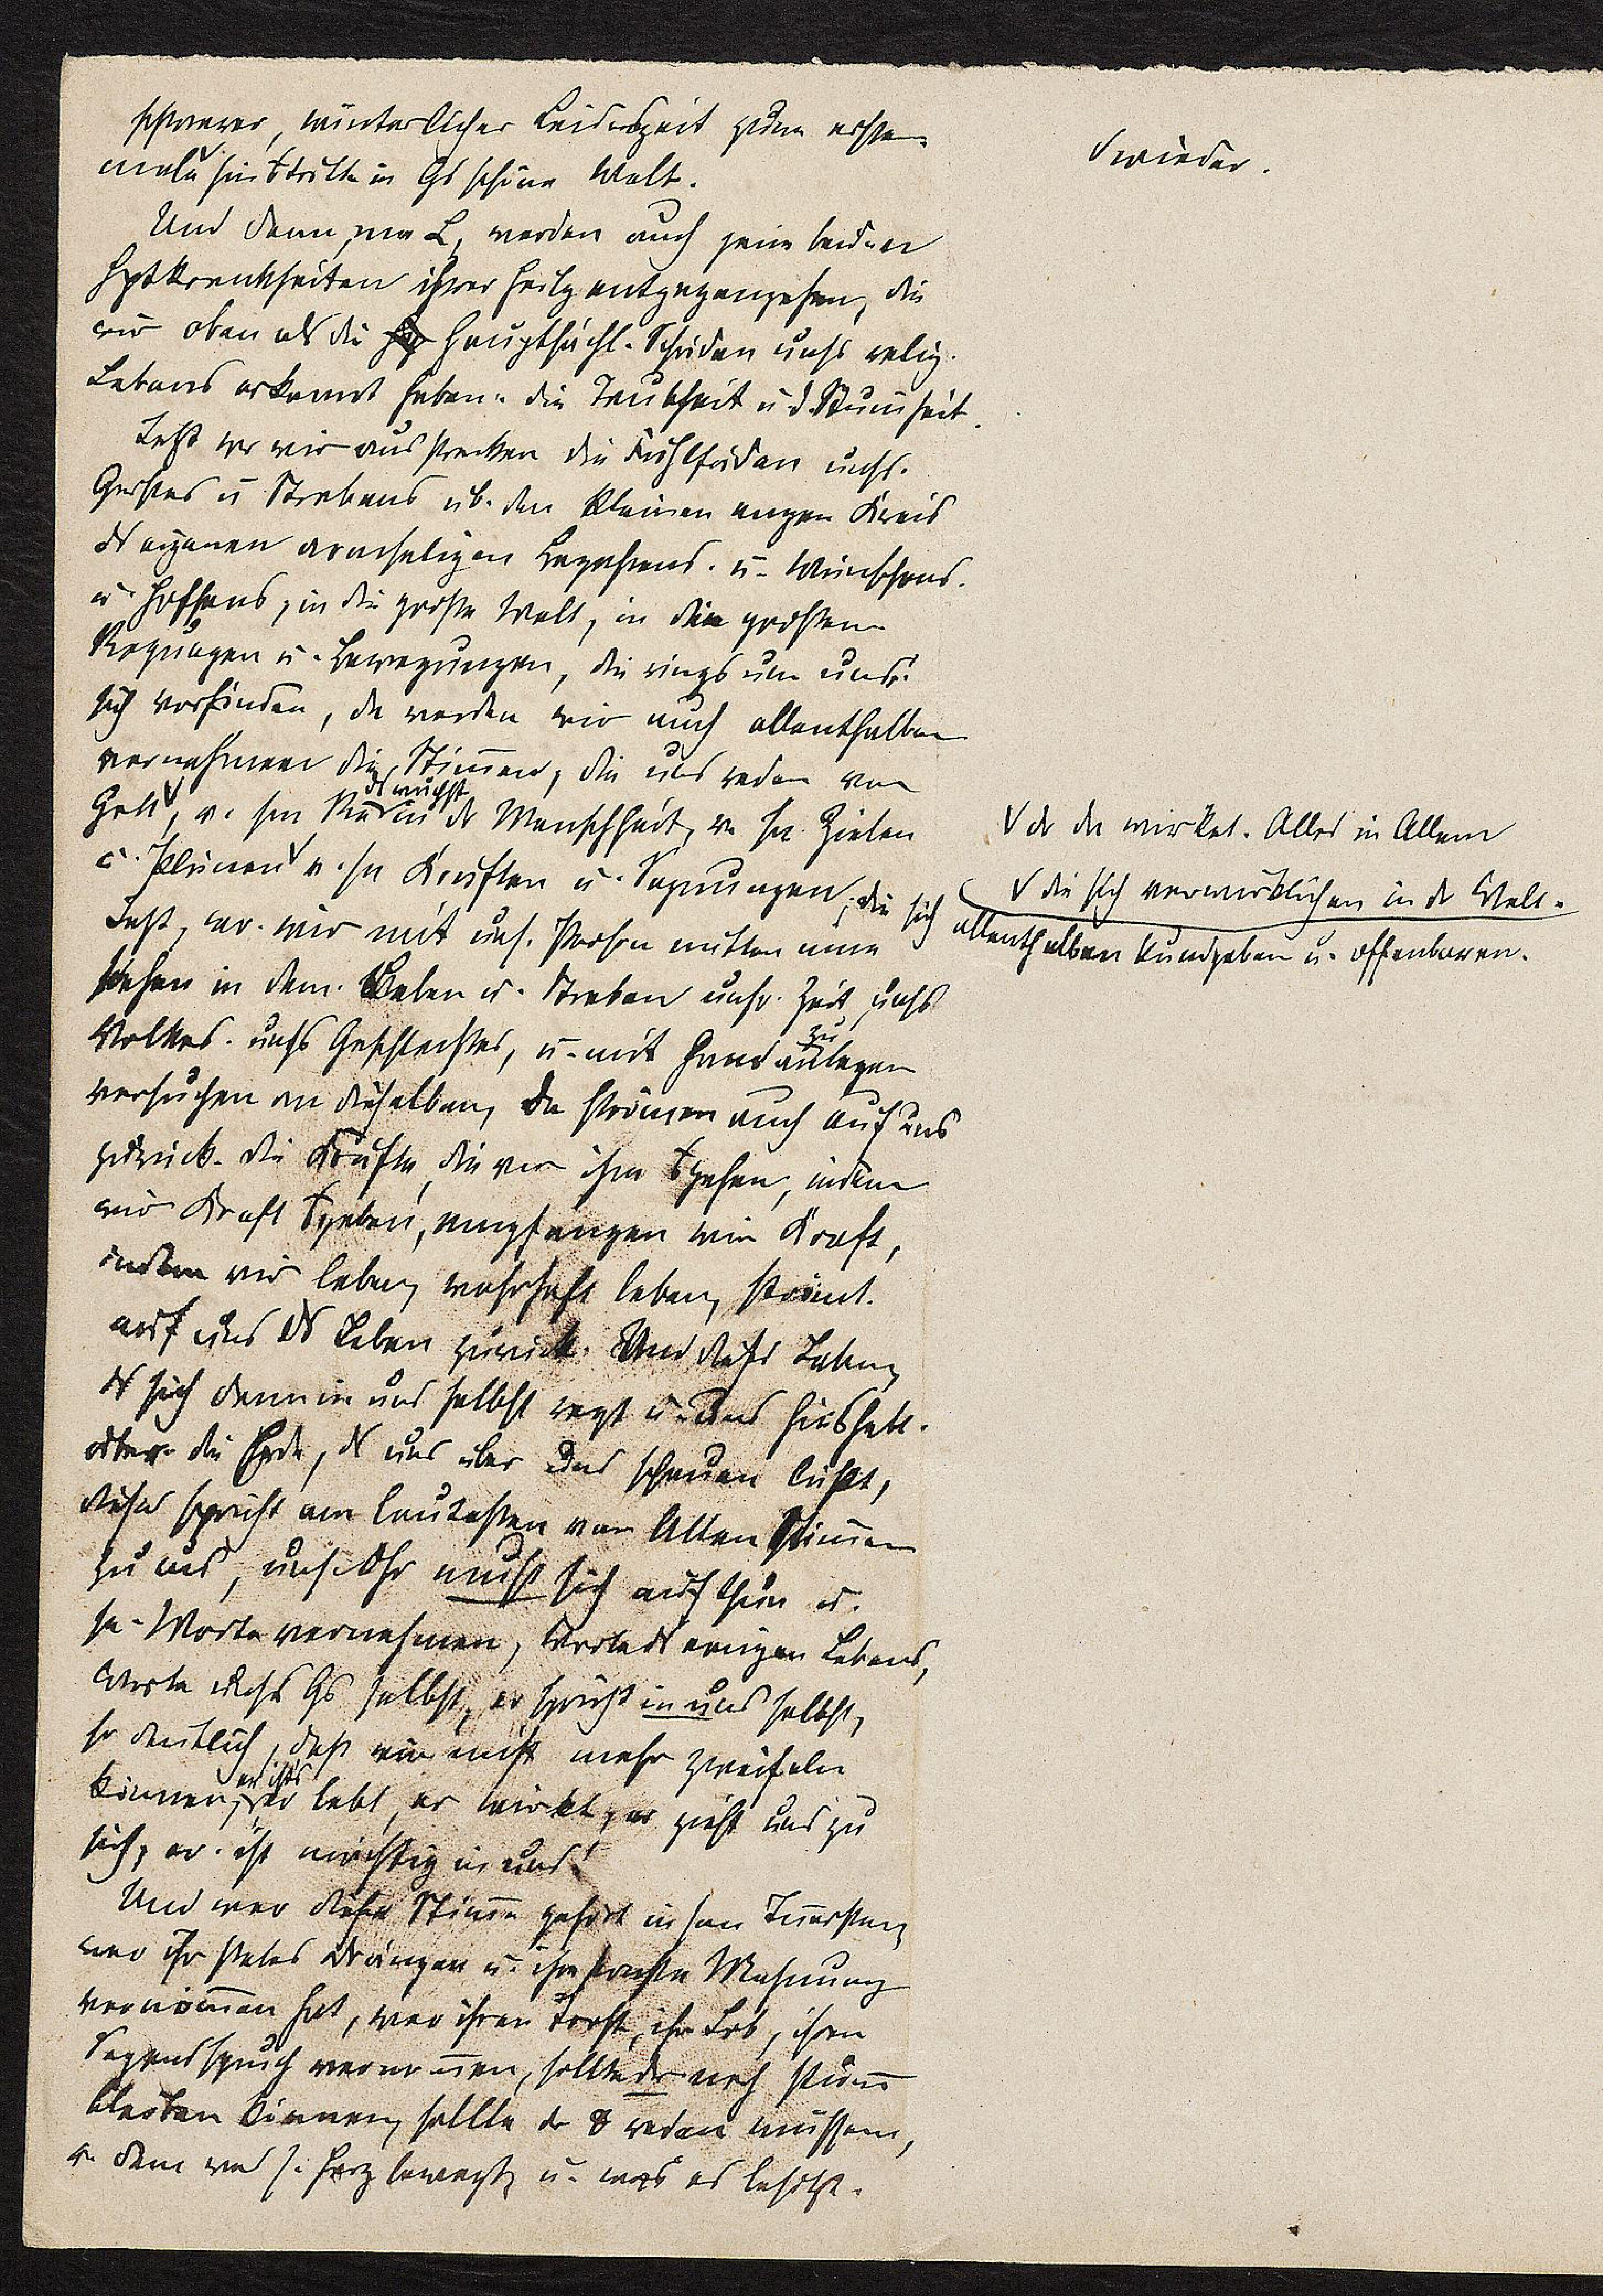schwerer, winterlicher Leidenszeit zum ersten
wieder
male hinstritt in Gs schöne Welt.
Und dann, m. L. werden auch jene beiden,
Hptkrankheiten ihrer Heilg entgegengehen, die
wir eben als die Hp hauptsächl. Schäden unss relig.
Lebens erkannt haben: die Taubheit u. d. Stumheit
Jetzt wo wir ausstrecken die Fühlfäden unss.
Geiste u Strebens üb. den kleinen engen Kreis
ds eigene armseligen Begehrens u. Wünschens.
u. Hoffens, in die große Welt, in die großen
Regungen u. Bewegngen, die rings um uns.!
sich vorfinden, da werden wir auch allenthalben
vernehmen die Stimen, die uns reden von
ds wächst
Gott, v. sm Re in der Menschheit, v. sn Zielen
V dr da wirkt Alles in Allem
u. Plänen v. s Kräften u. Segnungen, die sich
V die sich verwirklichen in der Welt.
Jetzt, wo wir mit uns. Person mitten eine
allenthalben kundgeben u. offenbaren.
sehen in dem Leben u. Streben unsr Zeit, unss
zu
Volkes. unss Geschlechtes, u. mit handanlegen
versuchen an dieselben, da strömen auch auf uns
zurück die Kräfte, die von ihm sgehen, indem
wir Kraft sgeben, empfangen wir Kraft,
indem wir leben, wahrhaft leben, strömt.
auf uns des Leben zurück: Und diess Leben,
ds sich dann in uns selbst regt u. uns hinshebt.
über der Erde, ds uns über uns schauen läßt,
dieses spricht am lautesten von Allen Stimen
zu uns, uns Ohr muß sich aufthun u.
sn Worte vernehmen, Worte ds ewigen Lebens,
Worten unsrs Gs selbst, er spricht in uns selbst,
so deutlich, daß wir nicht mehr zweifeln
er ist's
können, er lebt, er wirkt, er zieht uns zu
sich, er ist mächtig in uns!
Und wer diese Stimme gehört in snm Inersten,
wer ihr stetes Drängen u. ihe sanfte Mahnung
vernomen hat, wer ihren Trost, ihr Lob, ihren
Segensspruch vernomen, sollte dr noch stum
bleiben können, sollte dr o reden müssen,
v. dem was s Herz bewegt u. was es besitzt.